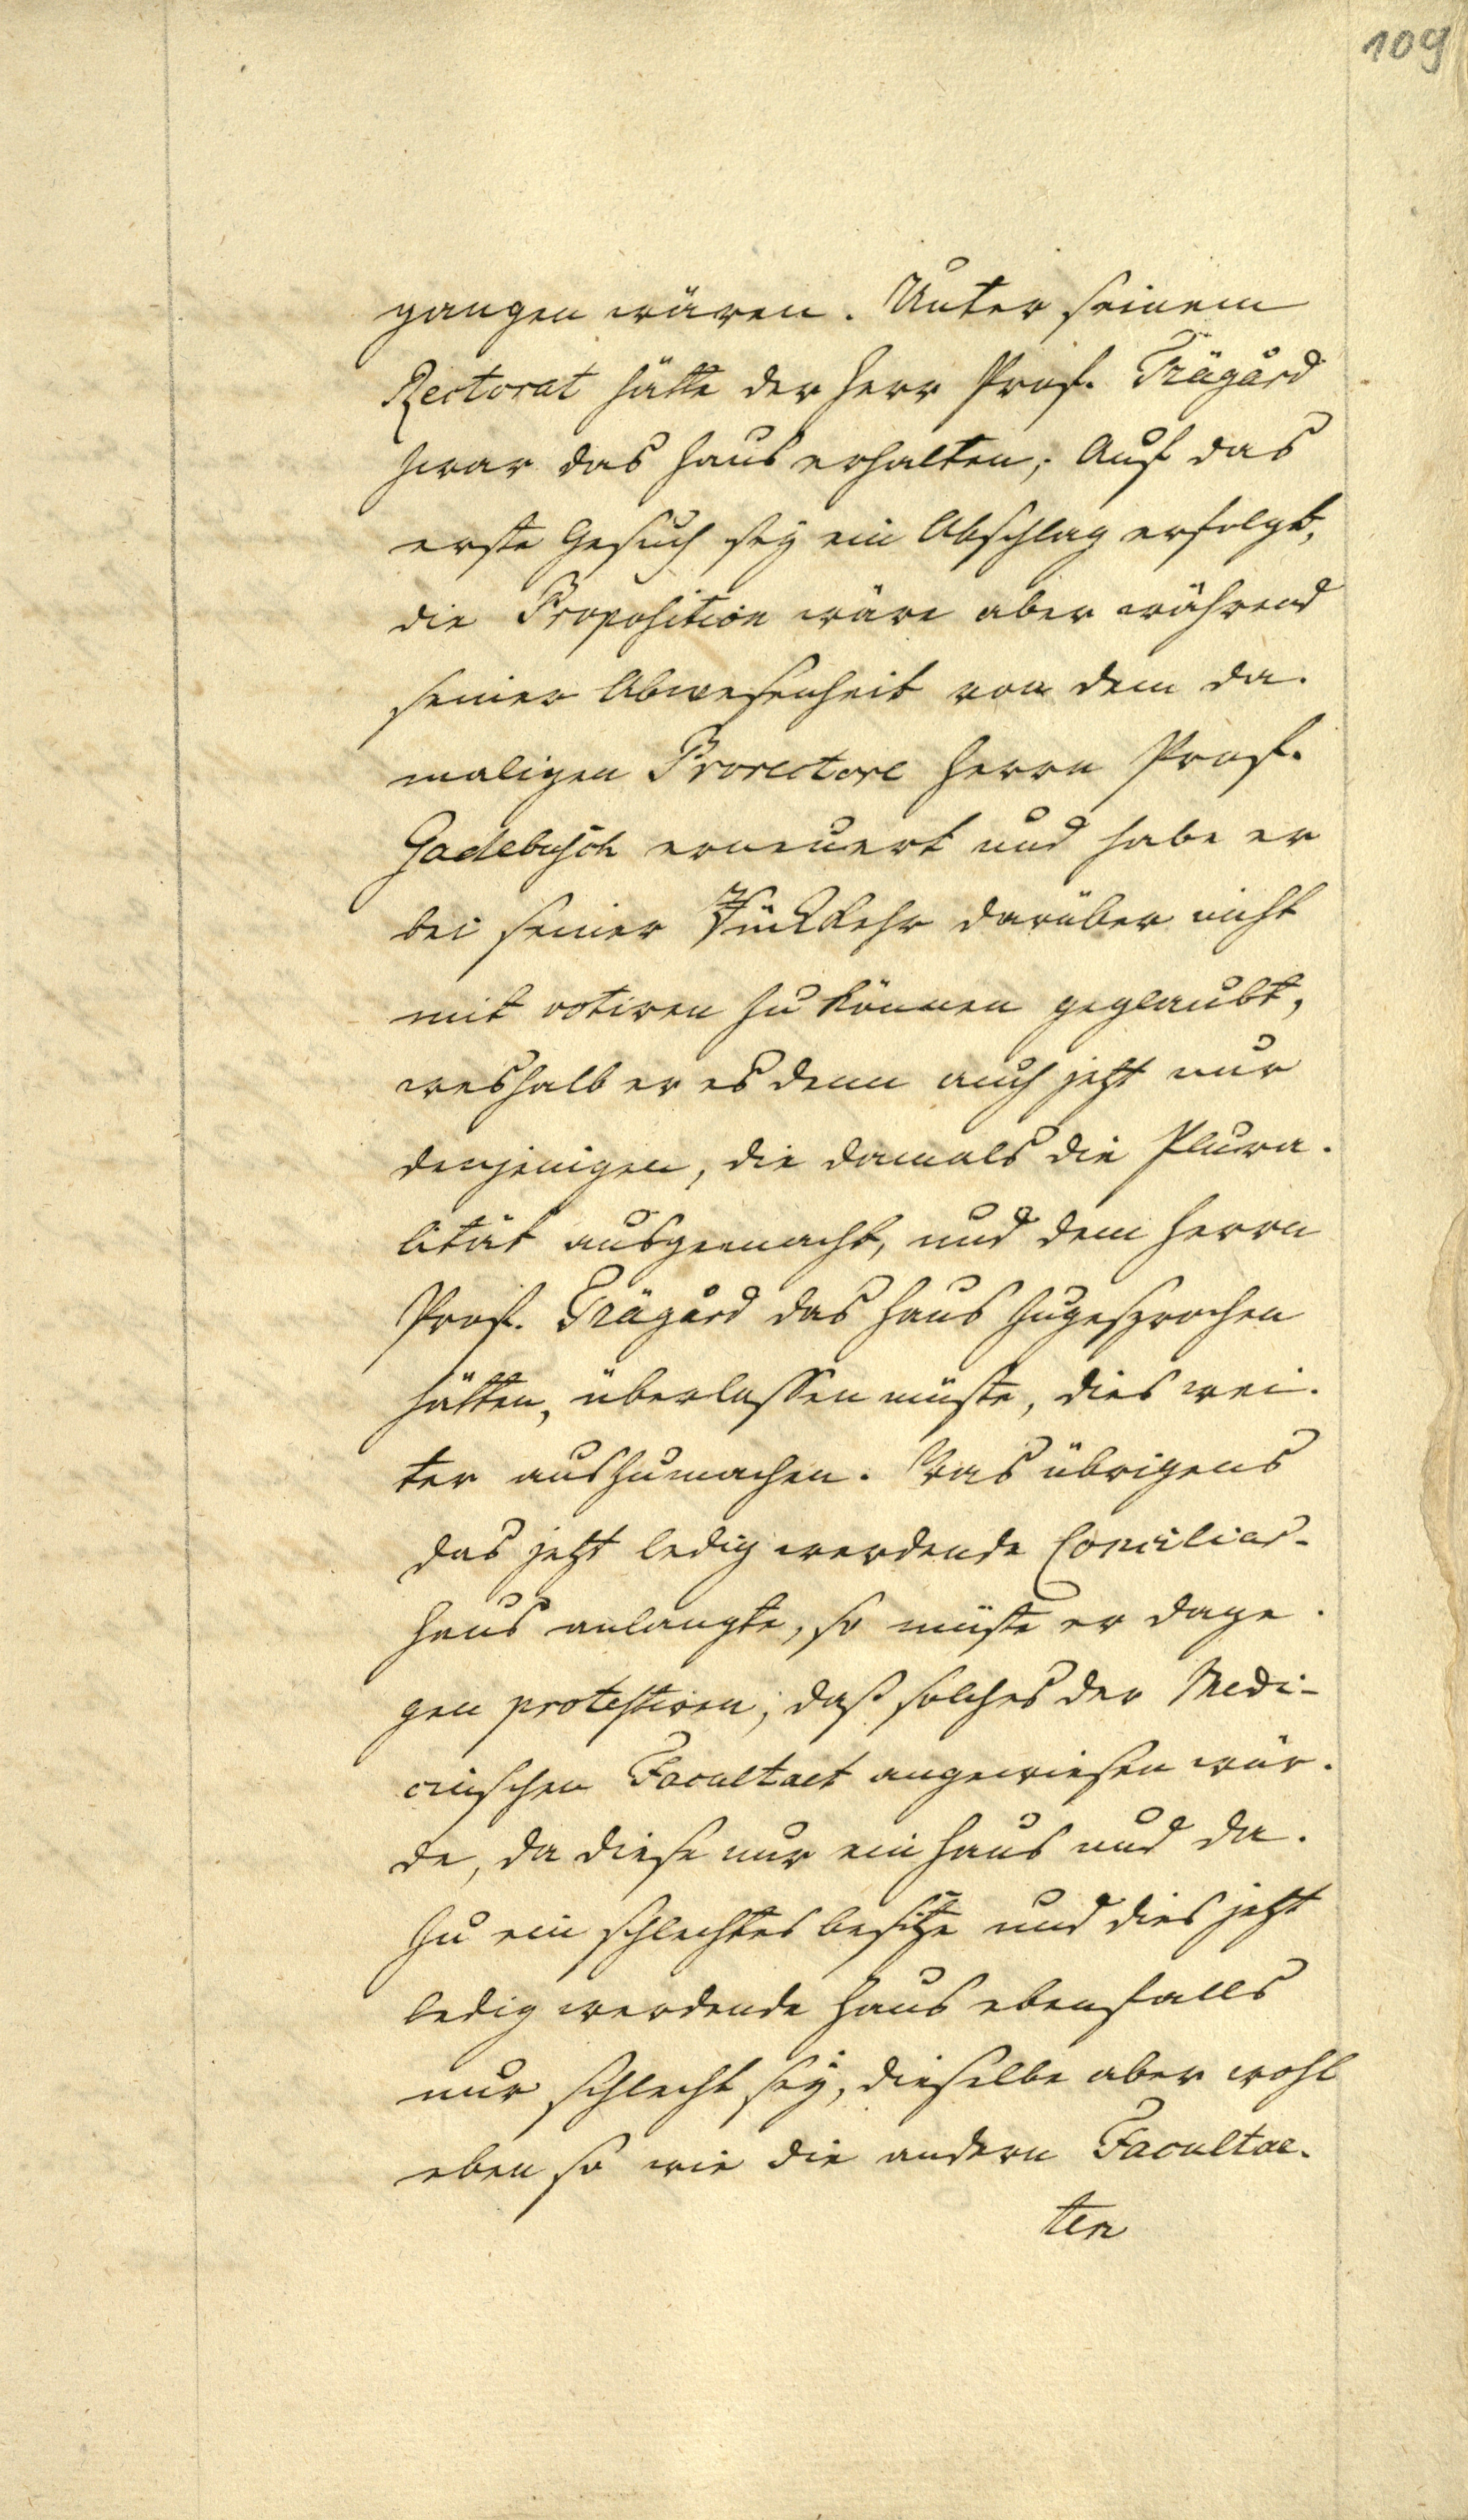gangen wären. Unter seinem
Rectorat hätte der Herr Prof. Trägård
zwar das Haus erhalten; Auf das
erste Gesuch sey ein Abschlag erfolgt,
die Proposition wäre aber während
seiner Abwesenheit von dem da¬
maligen Prorectore Herrn Prof.
Gadebusch erneuert und habe er
bei seiner Rückkehr darüber nicht
mit votiren zu können geglaubt,
weshalb er es denn auch jetzt nur
denjenigen, die damahls die Plura¬
lität ausgemacht, und dem Herrn
Prof. Trägård das Haus zugesprochen
hätten, überlassen müßte, dies wei¬
ter auszumachen. Was übrigens
das jetzt ledig werdende Conciliar¬
haus anlangte, so müßte er dage¬
gen protestiren, daß solches der Medi¬
cinischen Facultaet angewiesen wür-
de, da diese nur ein Haus und da¬
zu ein schlechtes beste und dies jetzt
ledig werdende Haus ebenfalls
nur schlecht seÿ, dieselbe aber wohl
eben so wie die andern Facultae¬
ten